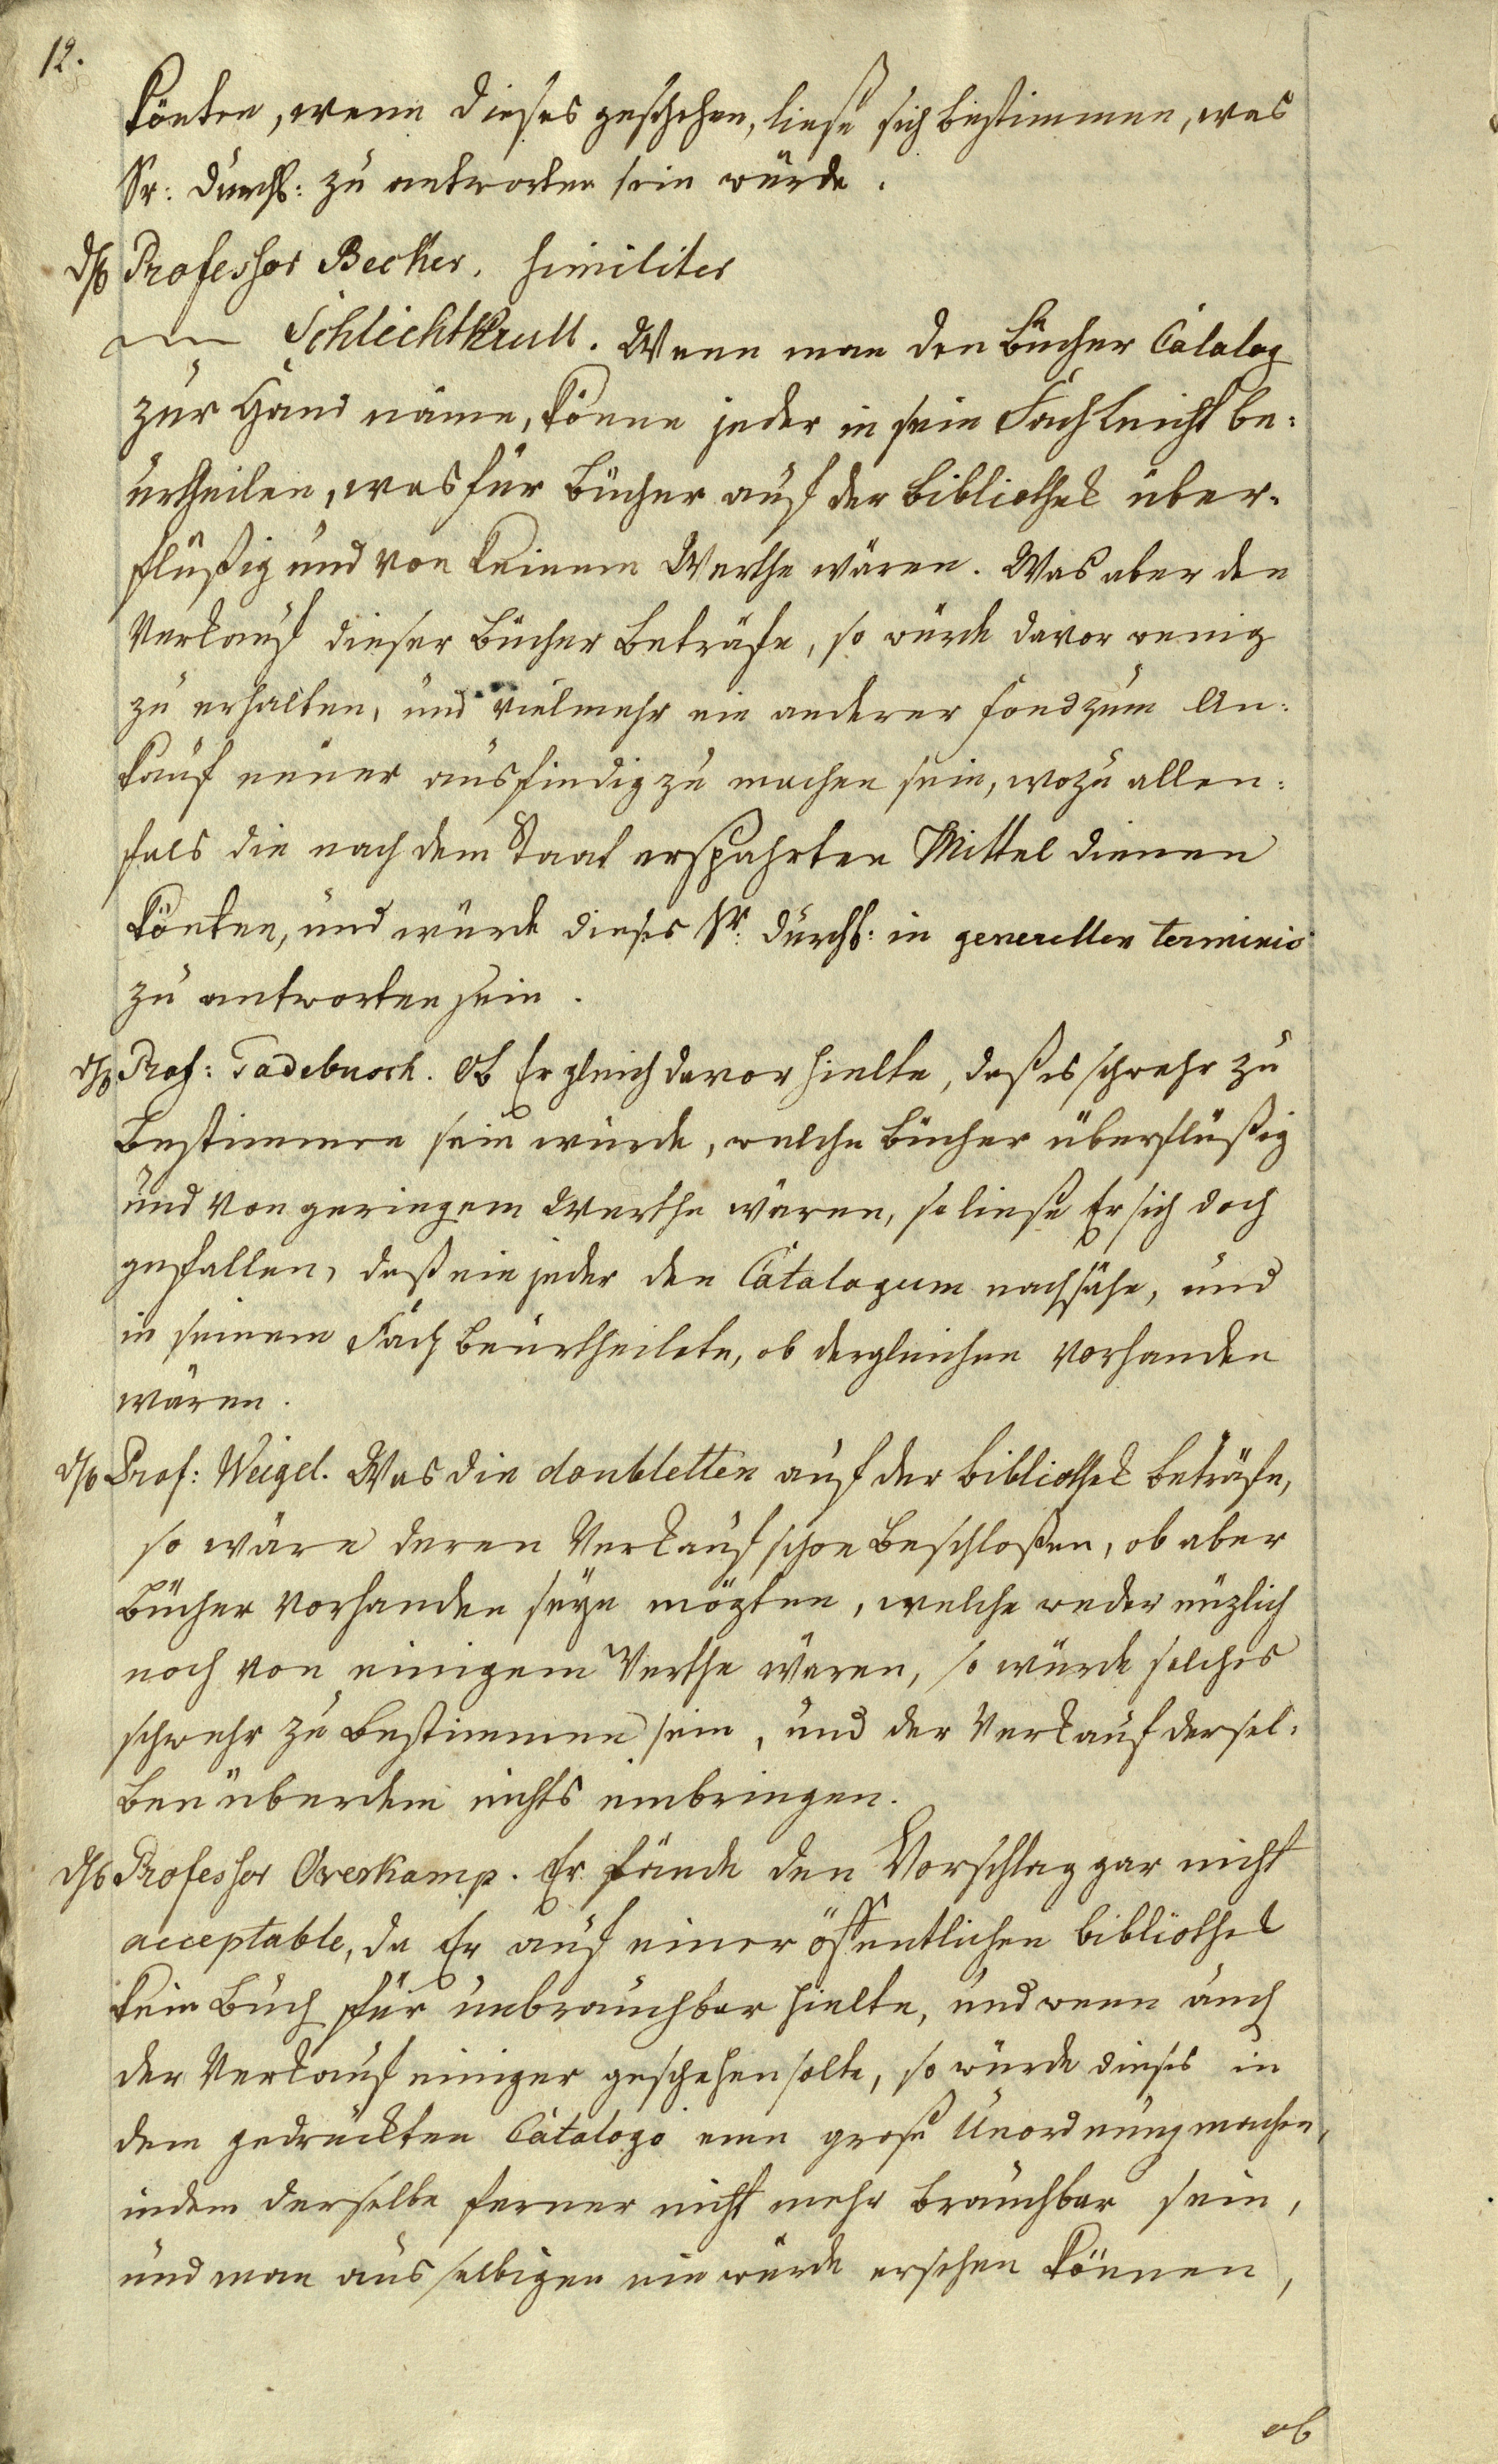könten, wenn dieses geschehen, ließe sich bestimmen, was
Sr: Durchl: zu antworten sein würde.
dh Professor Becker. similiter
Schlichtkrull. Wenn man den Bücher Catalog
zur Hand näme, könne jeder in sein Fach leicht be¬
urtheilen, was für Bücher auf der Bibliothek über¬
flüßig und von keinem Werthe wären. Was aber den
Verkauf dieser Bücher beträfe, so würde davor wenig
zu erhalten, und vielmehr ein anderer Fond zum An¬
kauf neuer ausfindig zu machen sein, wozu allen¬
fals die nach dem Staat erspahrten Mittel dienen
könten, und würde dieses Sr. Durchl. in generellen terminio
zu antworten sein.
dh Prof: Gadebusch. Ob Er gleich davor hielte, daß es schwehr zu
bestimmen sein würde, welche Bücher überflüßig
und von geringem Werthe wären, so ließe Er sich doch
gefallen, daß ein jeder den Catalogum nachsähe, und
in seinem Fach beurtheilete, ob dergleichen vorhanden
wären.
dh Prof: Weigel. Was die doubletten auf der Bibliothek beträfe,
so wäre deren Verkauf schon beschlossen, ob aber
Bücher vorhanden seÿn mögten, welche weder nüzlich
noch von einigem Werthe wären, so würde solches
schwehr zu bestimmen sein, und der Verkauf dersel¬
ben überdem nichts einbringen.
dh Professor Overkamp. Er fände den Vorschlag gar nicht
acceptable, da Er auf einer öfentlichen Bibliothek
kein Buch für unbrauchbar hielte, und wenn auch
der Verkauf einiger geschehen solte, so würde dieses in
dem gedruckten Catalogo eine große Unordnung machen,
indem derselbe ferner nicht mehr brauchbar sein,
und man aus selbigen nie würde ersehen können,
ob